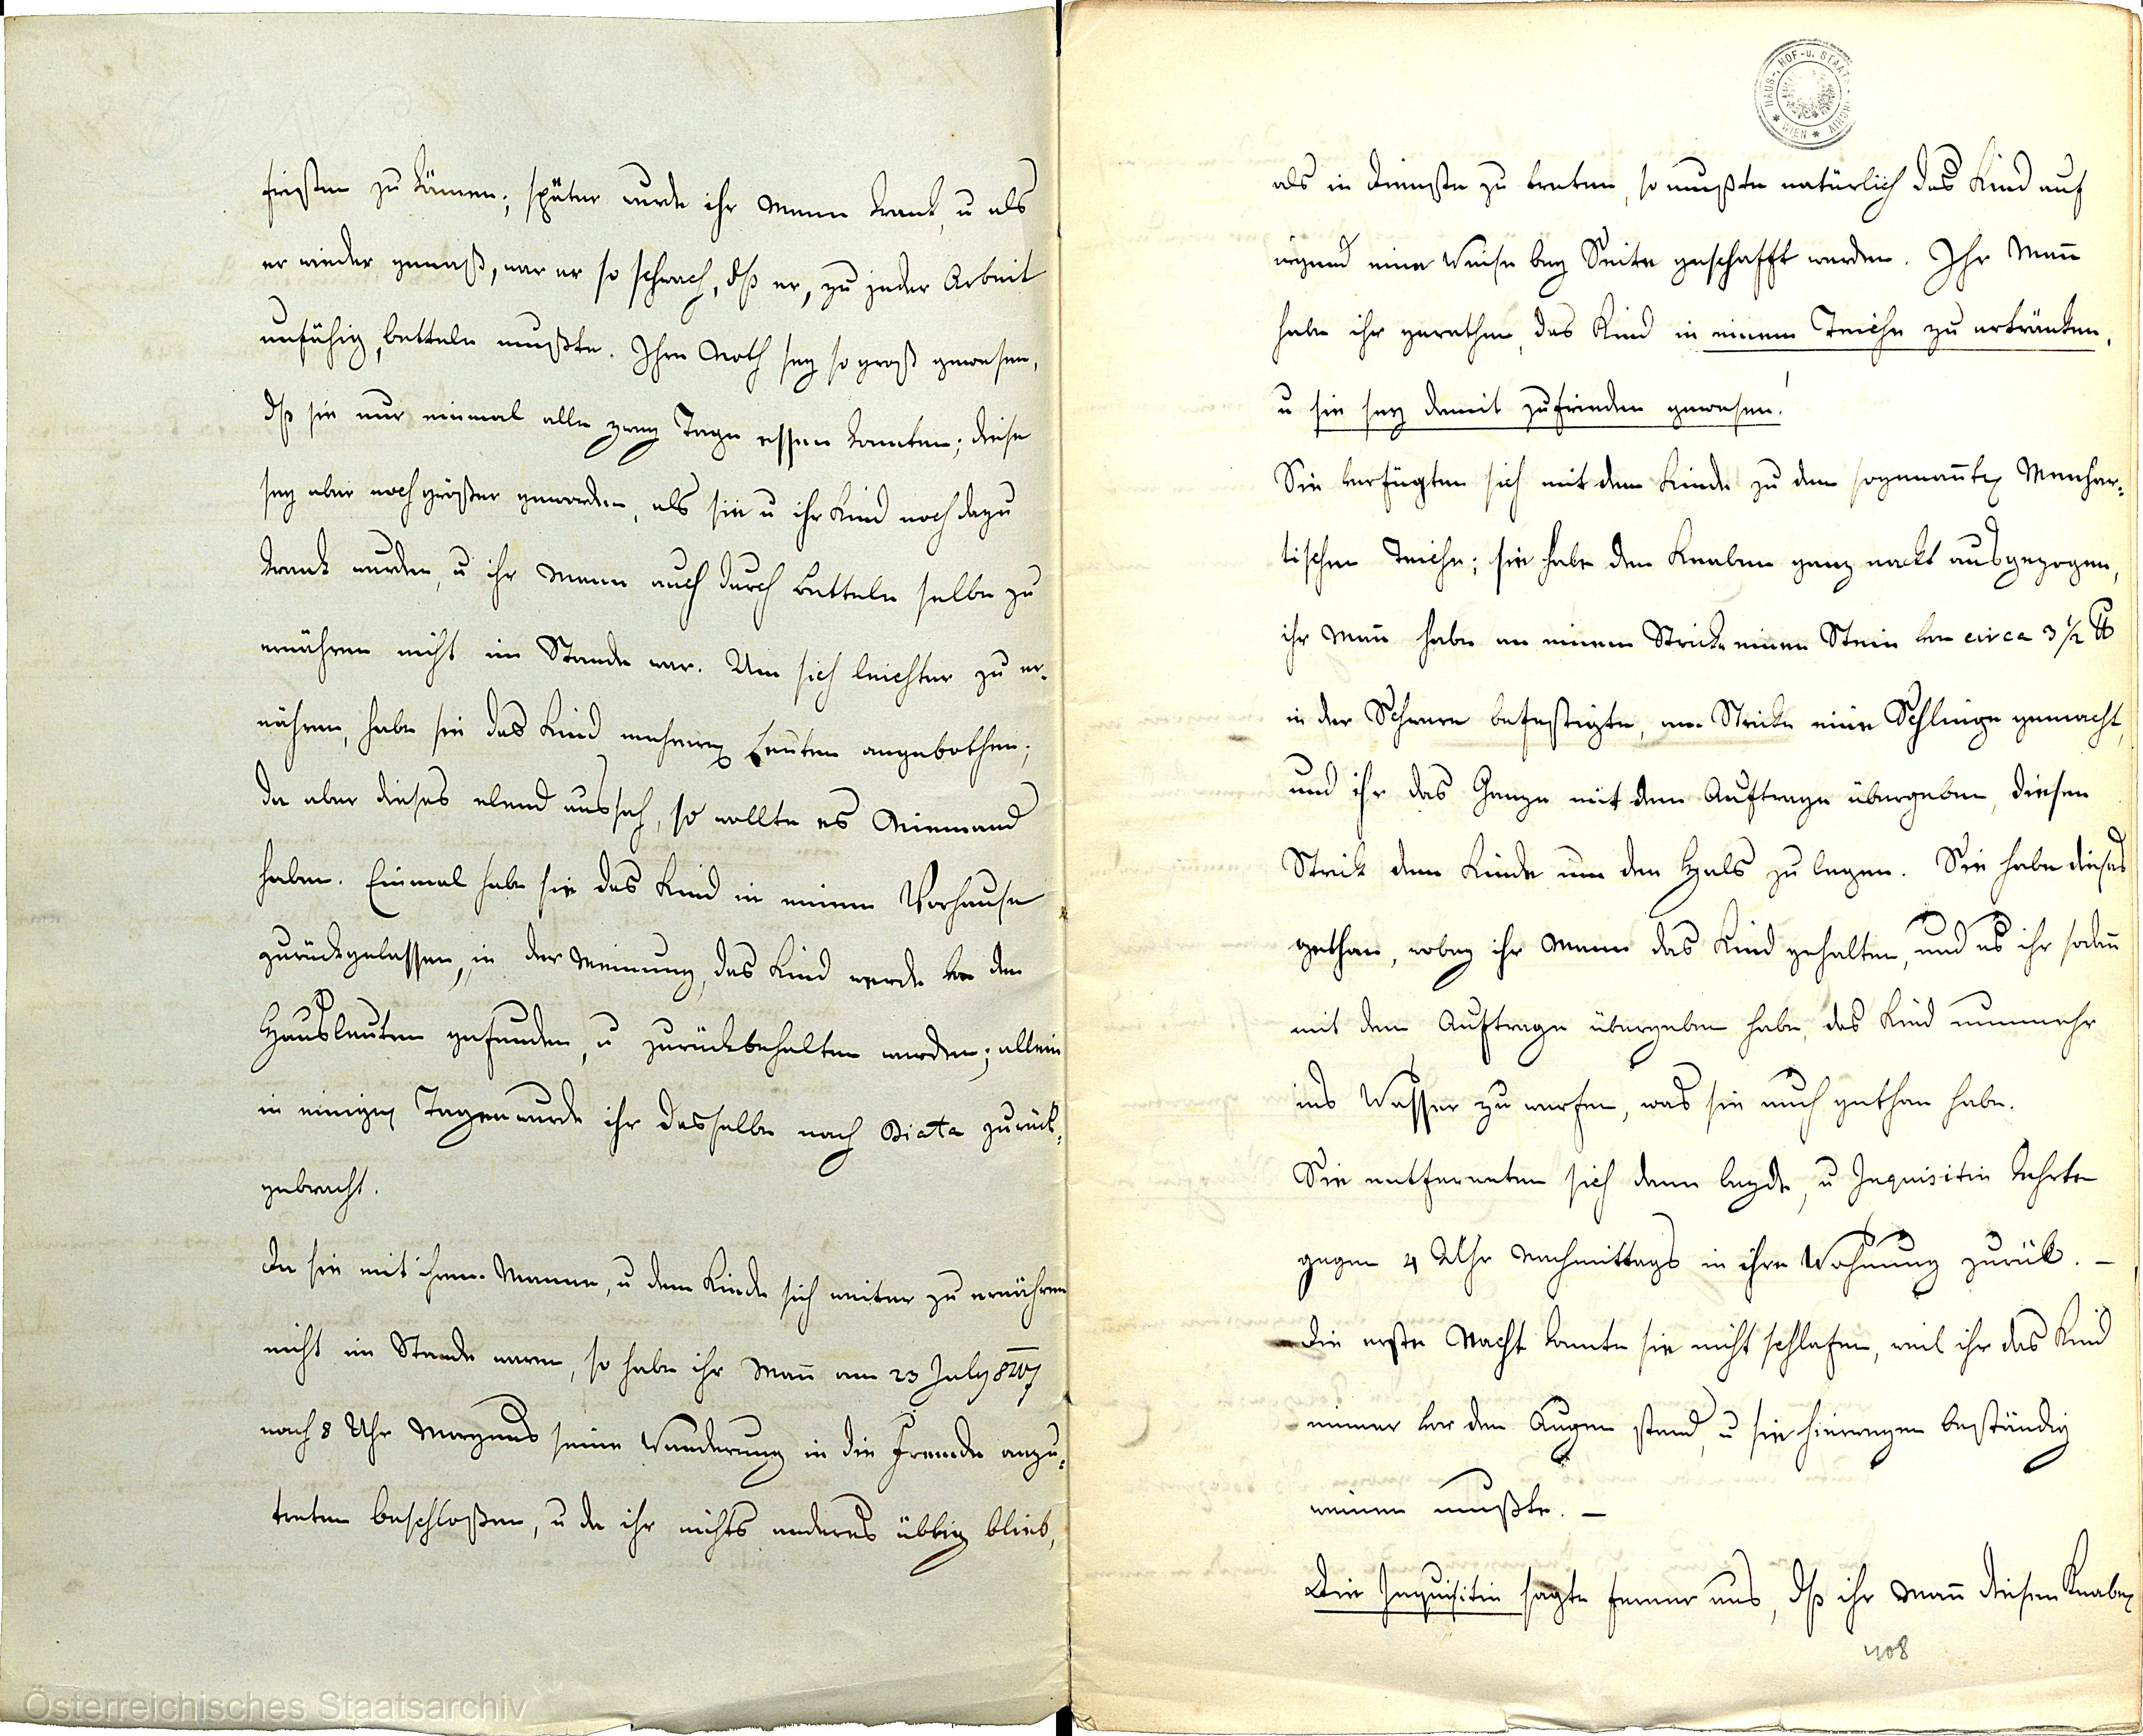fristen zu können; später wurde ihr Mann krank u als
er wieder genaß, war er so schwach, daß er, zu jeder Arbeit
unfähig, betteln mußte. Ihre Noth sey so groß gewesen,
daß sie nur einmal alle zwey Tage essen konnten; diese
sey aber noch größer geworden, als sie u. ihr Kind noch dazu
krank wurden, u ihr Mann auch durch Betteln selbe zu
ernähren nicht im Stande war. Um sich leichter zu er¬
nähren, habe sie das Kind mehrere Leuten angebothen;
da aber dieses elend aussah, so wollte es Niemand
haben. Einmal habe sie das Kind in einem Vorhause
zurückgelassen, in der Meinung, das Kind wurde von den
Hausleuten gefunden, u zurückbehalten werden; allein
in einige Tagen wurde ihr dasselbe noch Biała zurück¬
gebracht.
Da sie mit ihren Manne, u dem Kinde sich weiter zu ernähren
nicht in Stande waren, so habe ihr Mann am 23 Jul 847
nach 8 Uhr Morgens seine Wanderung in die Fremde anzu¬
treten beschloßen, u da ihr nichts anders übrig blieb,
als in Dienste zu treten, so mußte natürlich das Kind auf
irgend eine Weise bey Seite geschafft werde. Ihr Mann
habe ihr gerathen, das Kind in einem Teiche zu ertränken,
u sie sey damit zufrieden gewesen!
Sie verfügten sich mit dem Kinde zu dem sogenannte Meehar¬
tischen Teiche; sie habe den Knaben ganz nackt ausgezogen,
ihr Mann habe an einem Stricke einen Stein von circa 3 ½ lb
in der Schwure befestigte, am Stricke eine Schlinge gemacht,
und ihr das Ganze mit dem Auftrage übergeben, diesen
Strik dem Kinde um den Hals zu legen. Sie habe dieses
gethan, wobey ihr Mann das Kind gehalten und es ihr sodann
mit dem Auftrage übergeben habe, das Kind nunmehr
ins Wasser zu werfen, was sie auch gethan habe.
Sie entfernten sich dem [illeg. beyde?] u Inquisitin kehrte
gegen 4 Uhr Nachmittags in ihre Wohnung zurück.
Die erste Nacht konnte sie nicht schlafen weil ihr das Kind
immer vor den Augen stand – sie hierwegen beständig
weinen mußte.
Die Inquisitin sagte ferner aus, daß ihr Mann diesen Knaben